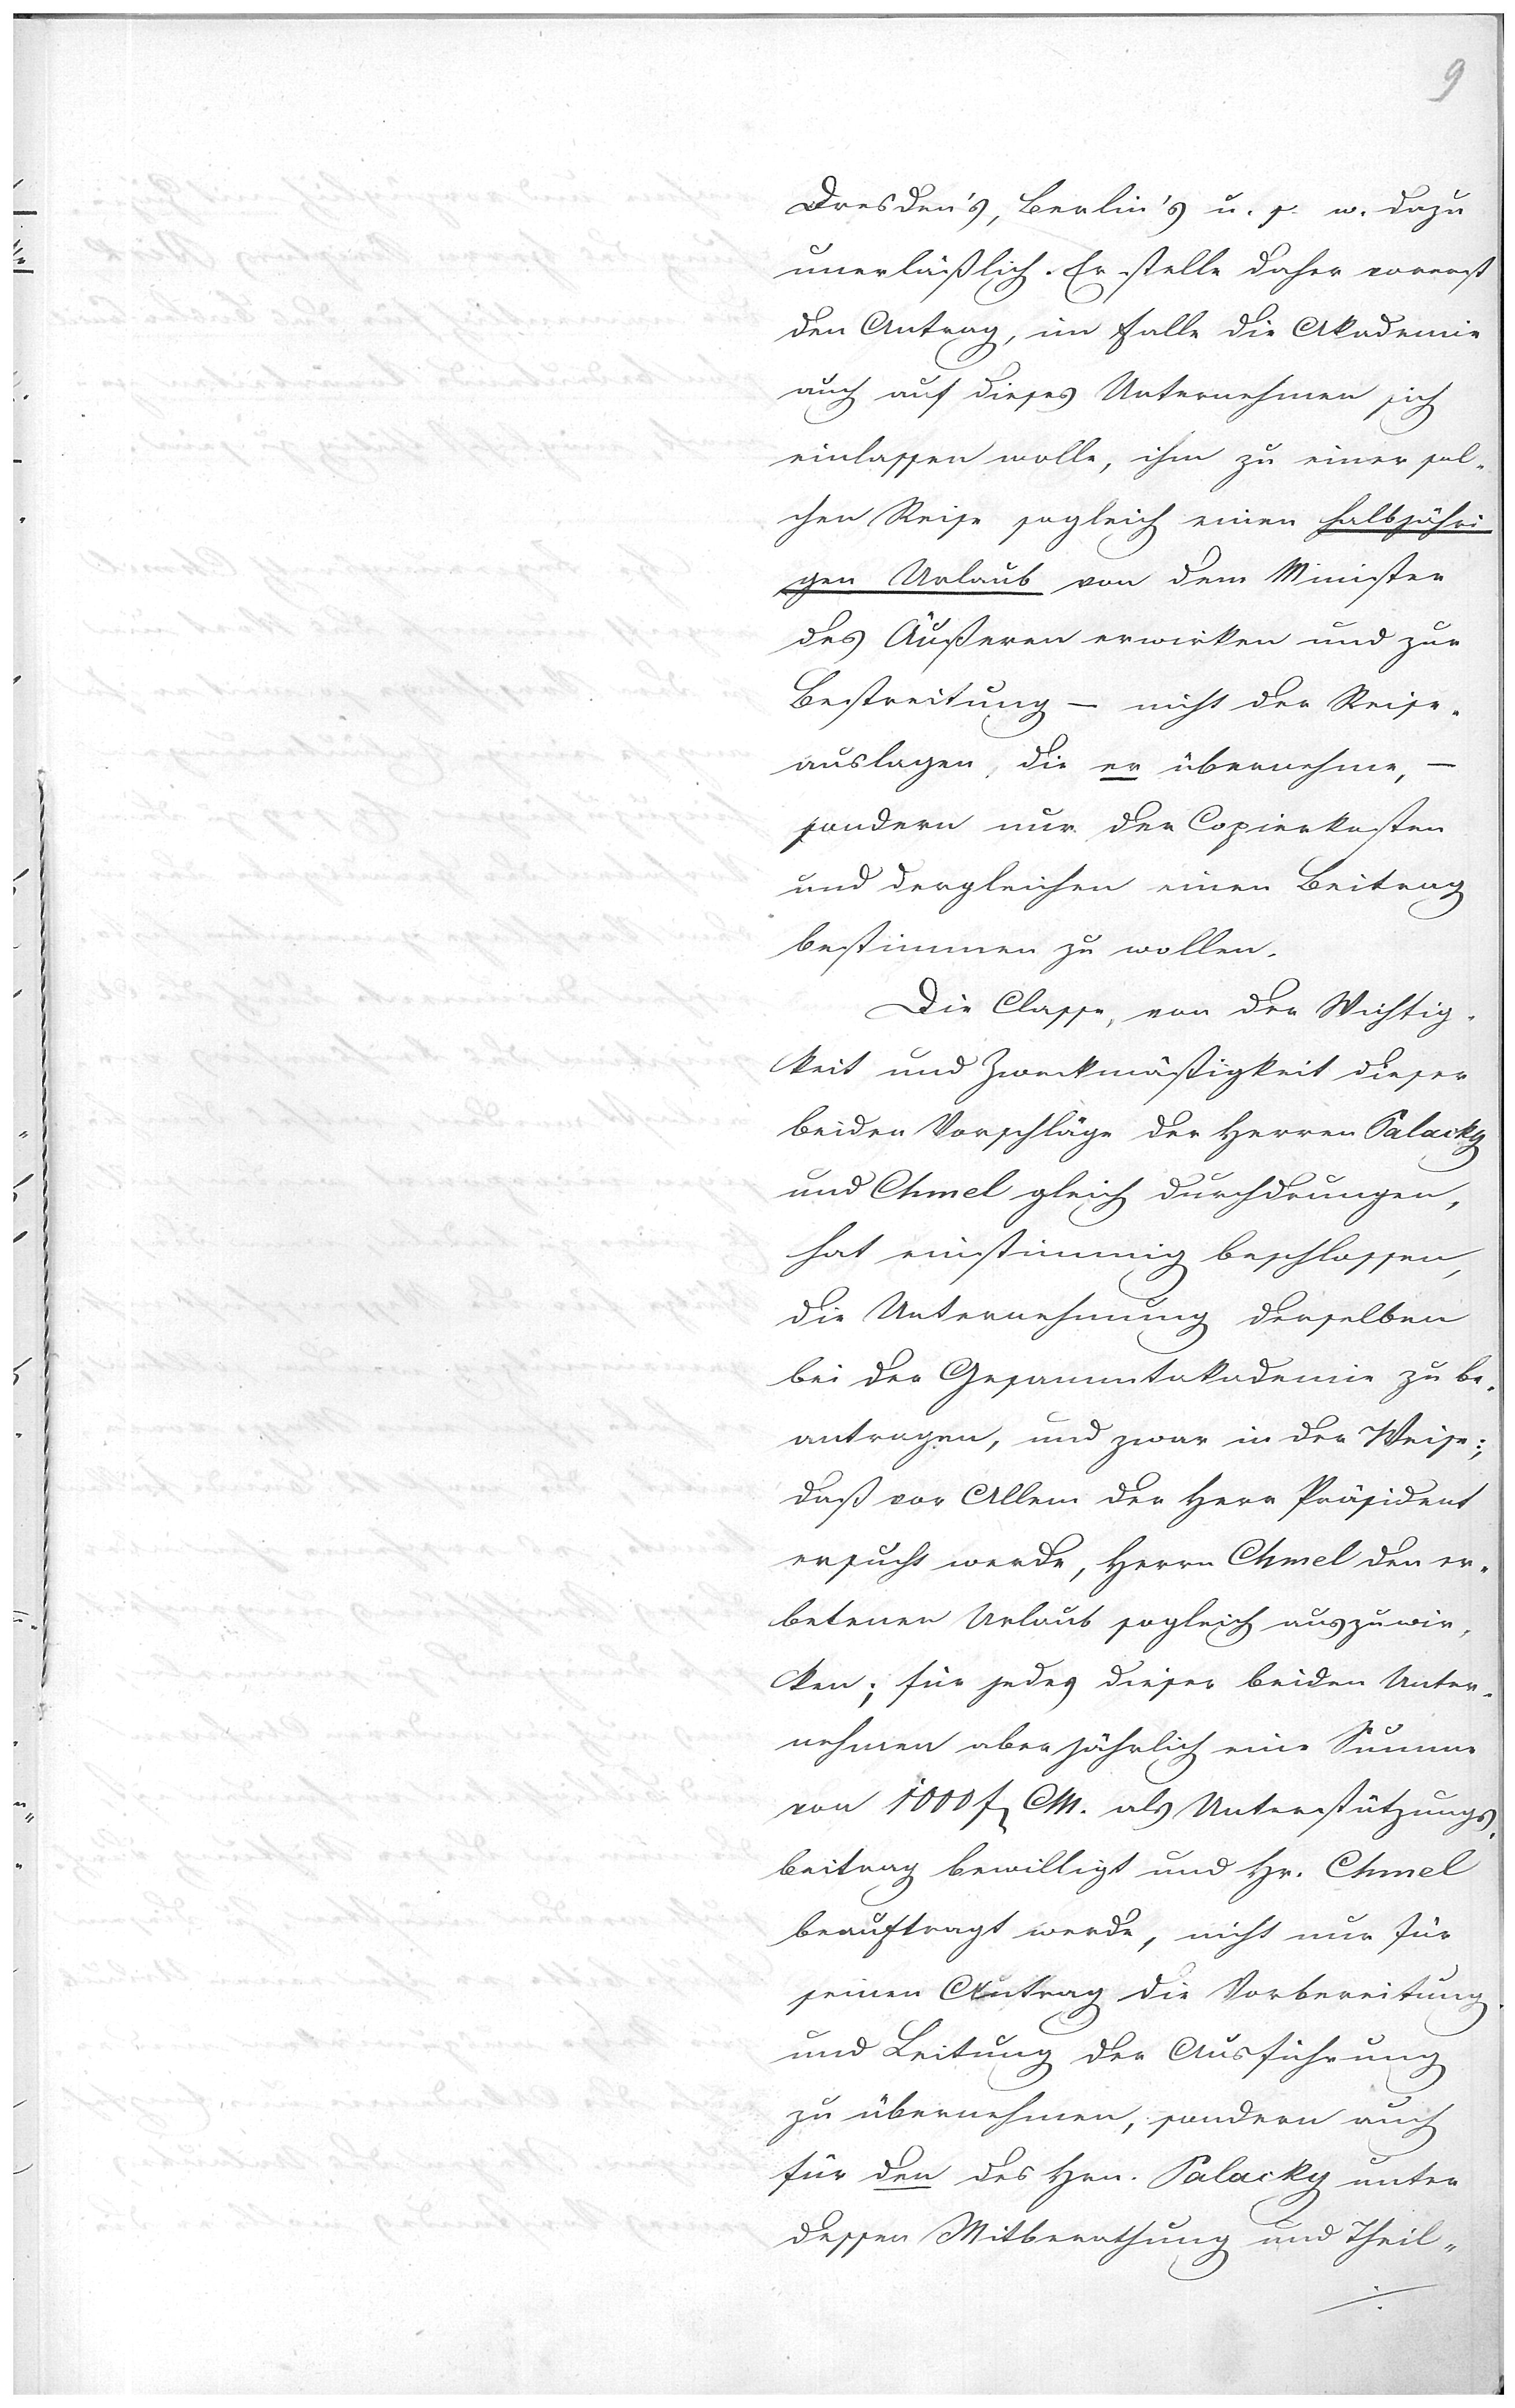Dresden's, Berlin's u. s. w. dazu
unerläßlich. Er stelle daher vorerst
den Antrag, im Falle die Akademie
auch auf dieses Unternehmen sich
einlassen wolle, ihm zu einer sol-
chen Reise sogleich einen halbjähri-
chen Urlaub von dem Minister
des Äußeren erwirken und zur
Bestreitung - nicht der Reise-
auslagen, die er übernehme, -
sondern nur der Copierkosten
und dergleichen einen Beitrag
bestimmen zu wollen.
Die Classe, von der Wichtig-
keit und Zweckmäßigkeit dieser
beiden Vorschläge der Herren Palacky
und Chmel gleich durchdrungen,
hat einstimmig beschlossen,
die Unternehmung derselben
bei der Gesammtakademie zu be-
antragen, und zwar in der Weise,
daß vor Allen der Herr Präsident
ersucht werde, Herrn Chmel den er-
betenen Urlaub sogleich auszuwir-
ken; für jedes dieser beiden Unter-
nehmen aber jährlich eine Summe
von 1000 fl. CM als Unterstützungs-
beitrag bewilligt und Hr. Chmel
beauftragt werde, nicht nur für
seinen Antrag die Vorbereitung
und Leitung der Ausführung
zu übernehmen, sondern auch
für den des Hrn. Palacky unter
dessen Mitberathung und Theil-